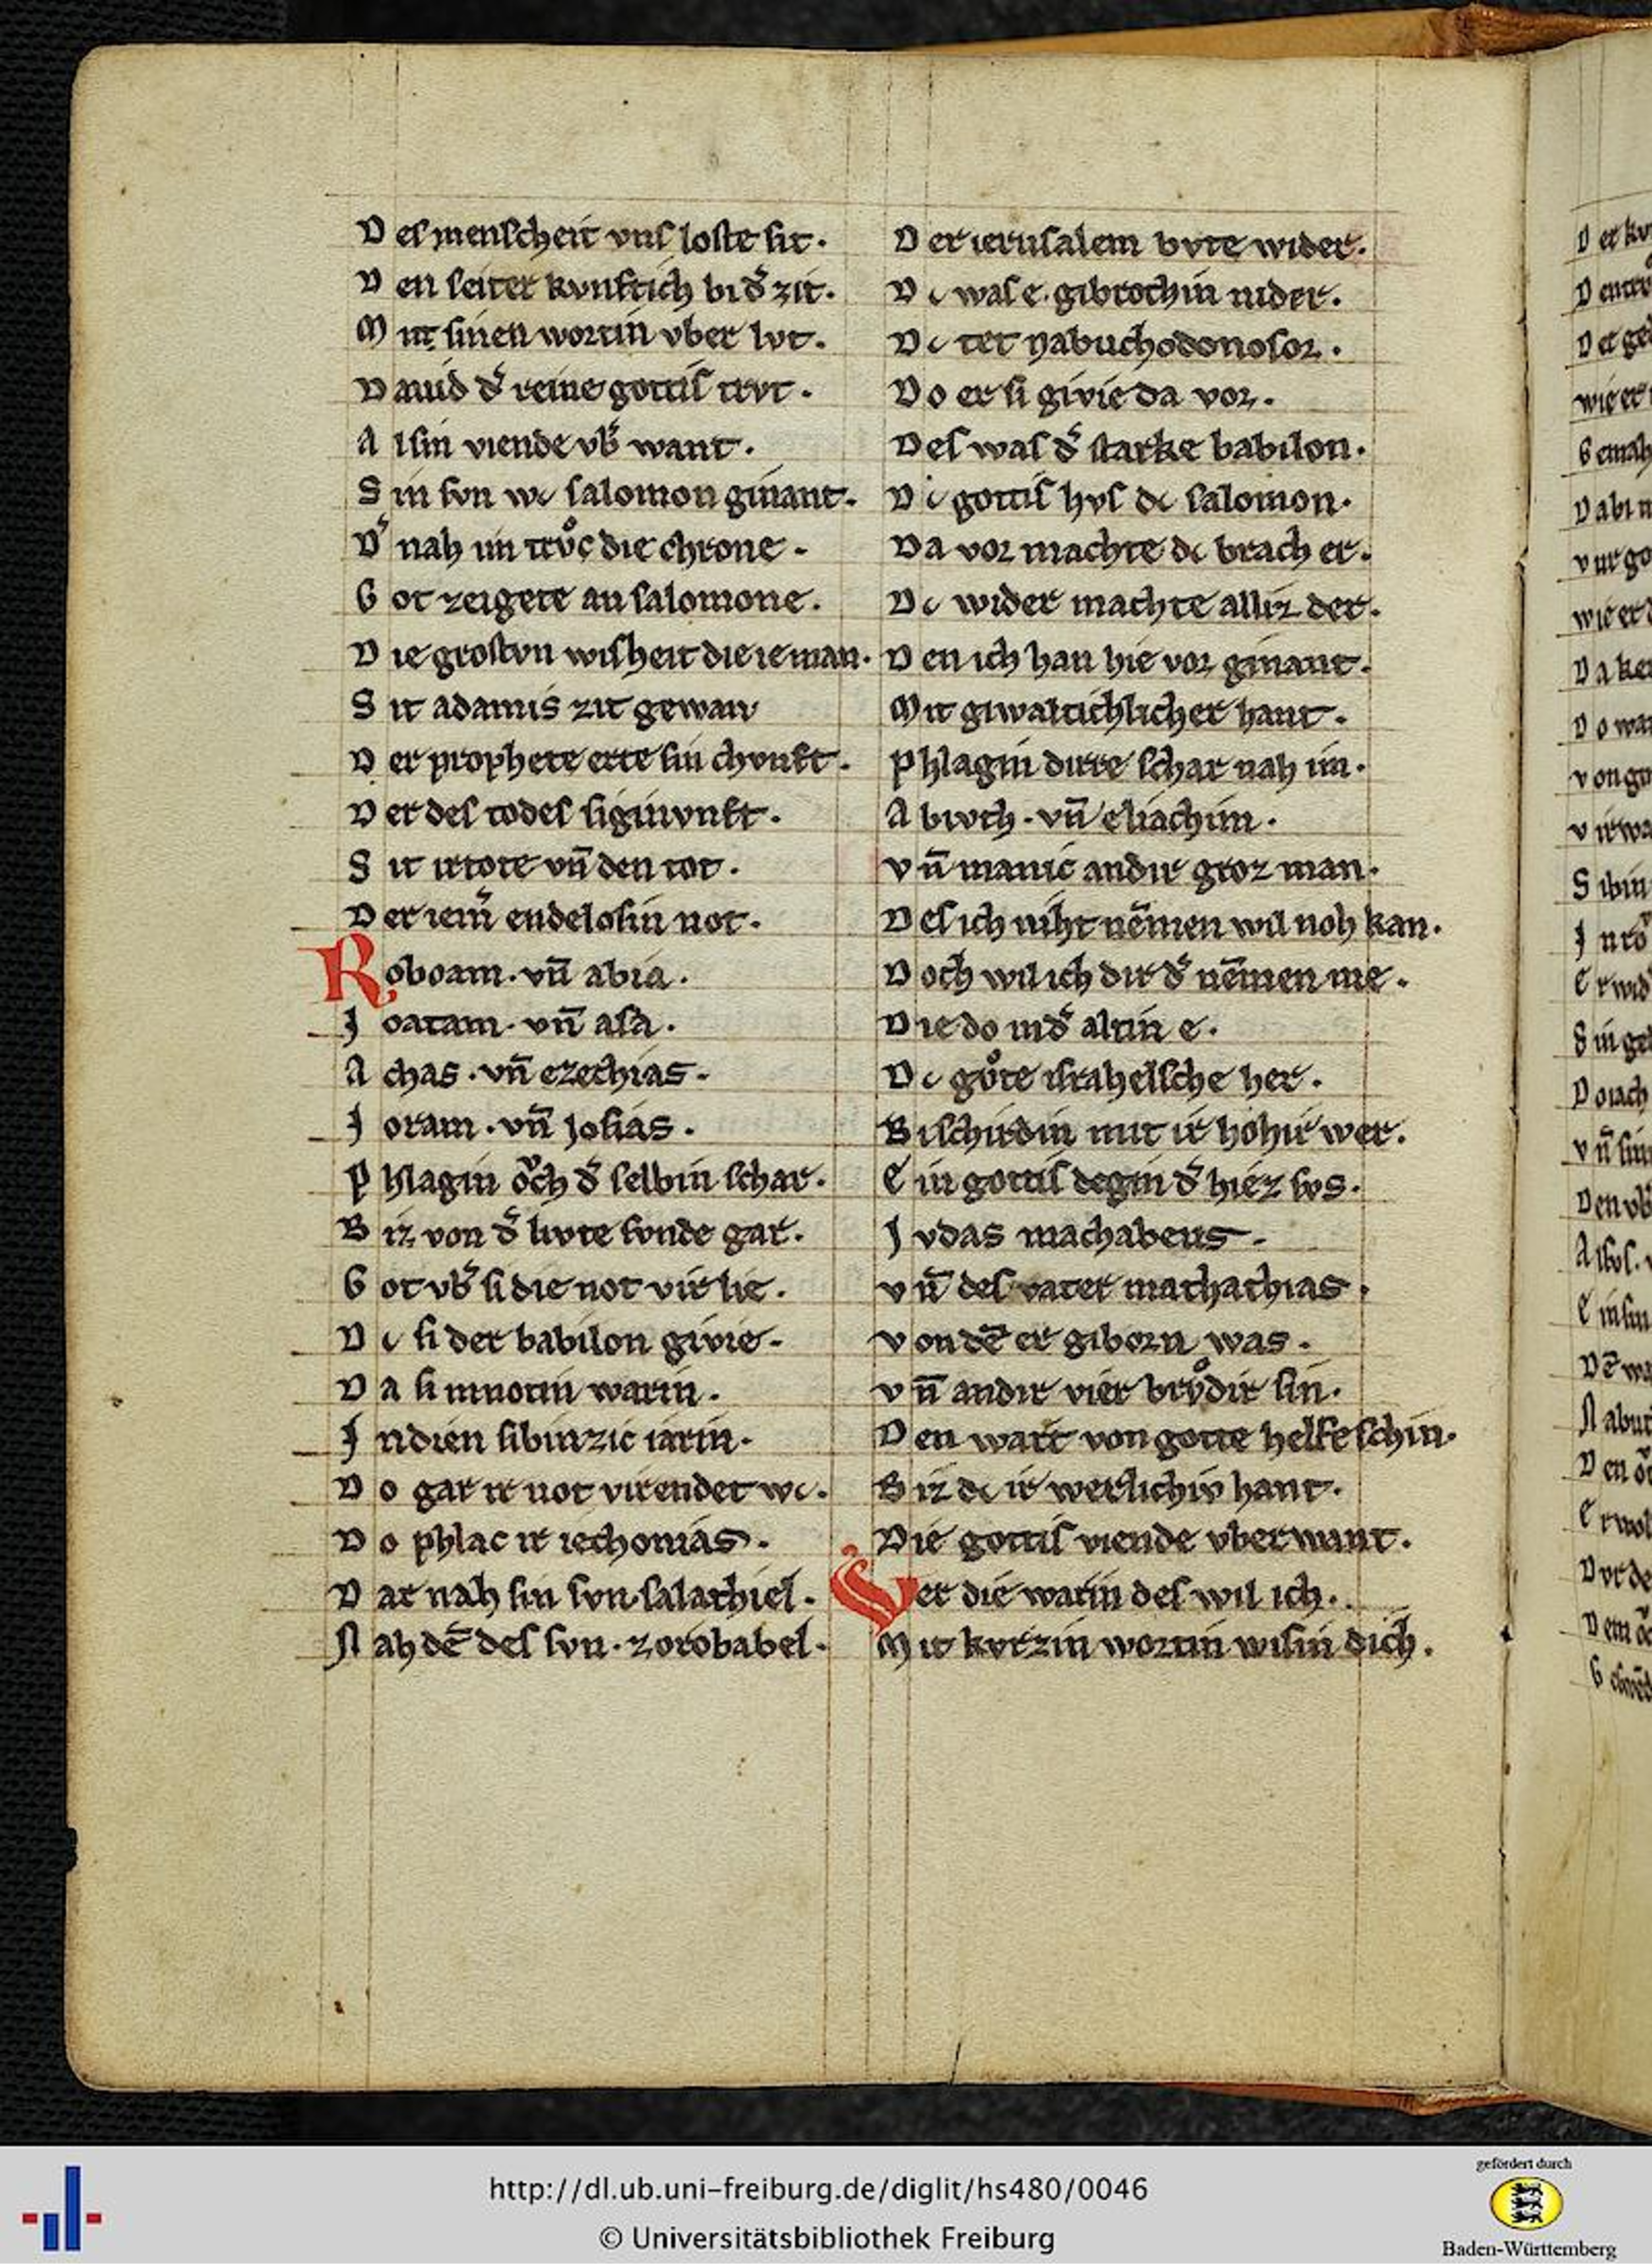Deſ menſcheit vnſ loſte ſit.
Den ſeiter kvnftich bi d(er) zit.
Mit ſinen wortin vber lvt.
Dauid d(er) reine gottiſ trvt.
Al ſin viende vb(er) want.
Sin ſvn w(az) ſalomon ginant.
D(er) nah im trv°oc die chrone.
Got zeigete an ſalomone.
Die groſtvn wiſheit die ieman.
Sit adamis zit gewan.
Der prophete erte ſin chvnſt.
Der deſ todeſ ſiginvnft.
Sit irtote vn(d) den tot.
Der iem(er) endeloſin not.
*Roboam. vn(d) abia.
Joatam. vn(d) aſa.
Achas. vn(d) ezechias.
Joram. vn(d) joſias.
Phlagin o°vch d(er) ſelbin ſchar.
Biz von d(er) livte ſvnde gar.
Got vb(er) ſi die not vir lie.
D(az) ſi der babilon givie.
Da ſi innotin warin.
Indien ſibinzic iarin.
Do gar ir not virendet w(az).
Do phlac ir iechonias.
Dar nah ſin ſvn. ſalathiel.
Nah de(m) deſ ſvn. zorobabel.
Der ieruſalem bvte wider.
D(az) waſ e gibrochin nider.
D(az) tet nabuchodonoſor.
Do er ſi givie da vor.
Deſ waſ d(er) ſtarke babilon.
D(az) gottiſ hvſ d(az) ſalomon.
Da vor machte d(az) brach er.
D(az) wider machte alliz der.
Den ich han hie vor ginant.
Mit giwaltichlicher hant.
Phlagin dirre ſchar nah ihm.
Abiuth. vn(d) eliachim.
Vn(d) manic andir groz man.
Deſ ich niht ne(m)men wil noh kan.
Doch wil ich dir d(er) ne(m)men me.
Die do ind(er) altin e.
D(az) gv°ote iſrahelſche her.
Biſchirdin mit ir hohir wer.
Ein gottiſ degin d(er) hiez ſvs.
Jvdas machabeus.
Vn(d) deſ vater mathathias.
Von de(m) er giborn was.
Vn(d) andir vier brv°odir ſin.
Den wart von gotte helfe ſchin.
Biz d(az) ir werlichiv hant.
Die gottiſ viende vberwant.
*Wer die warin deſ wil ich.
Mit kvrzin wortin wiſin dich.